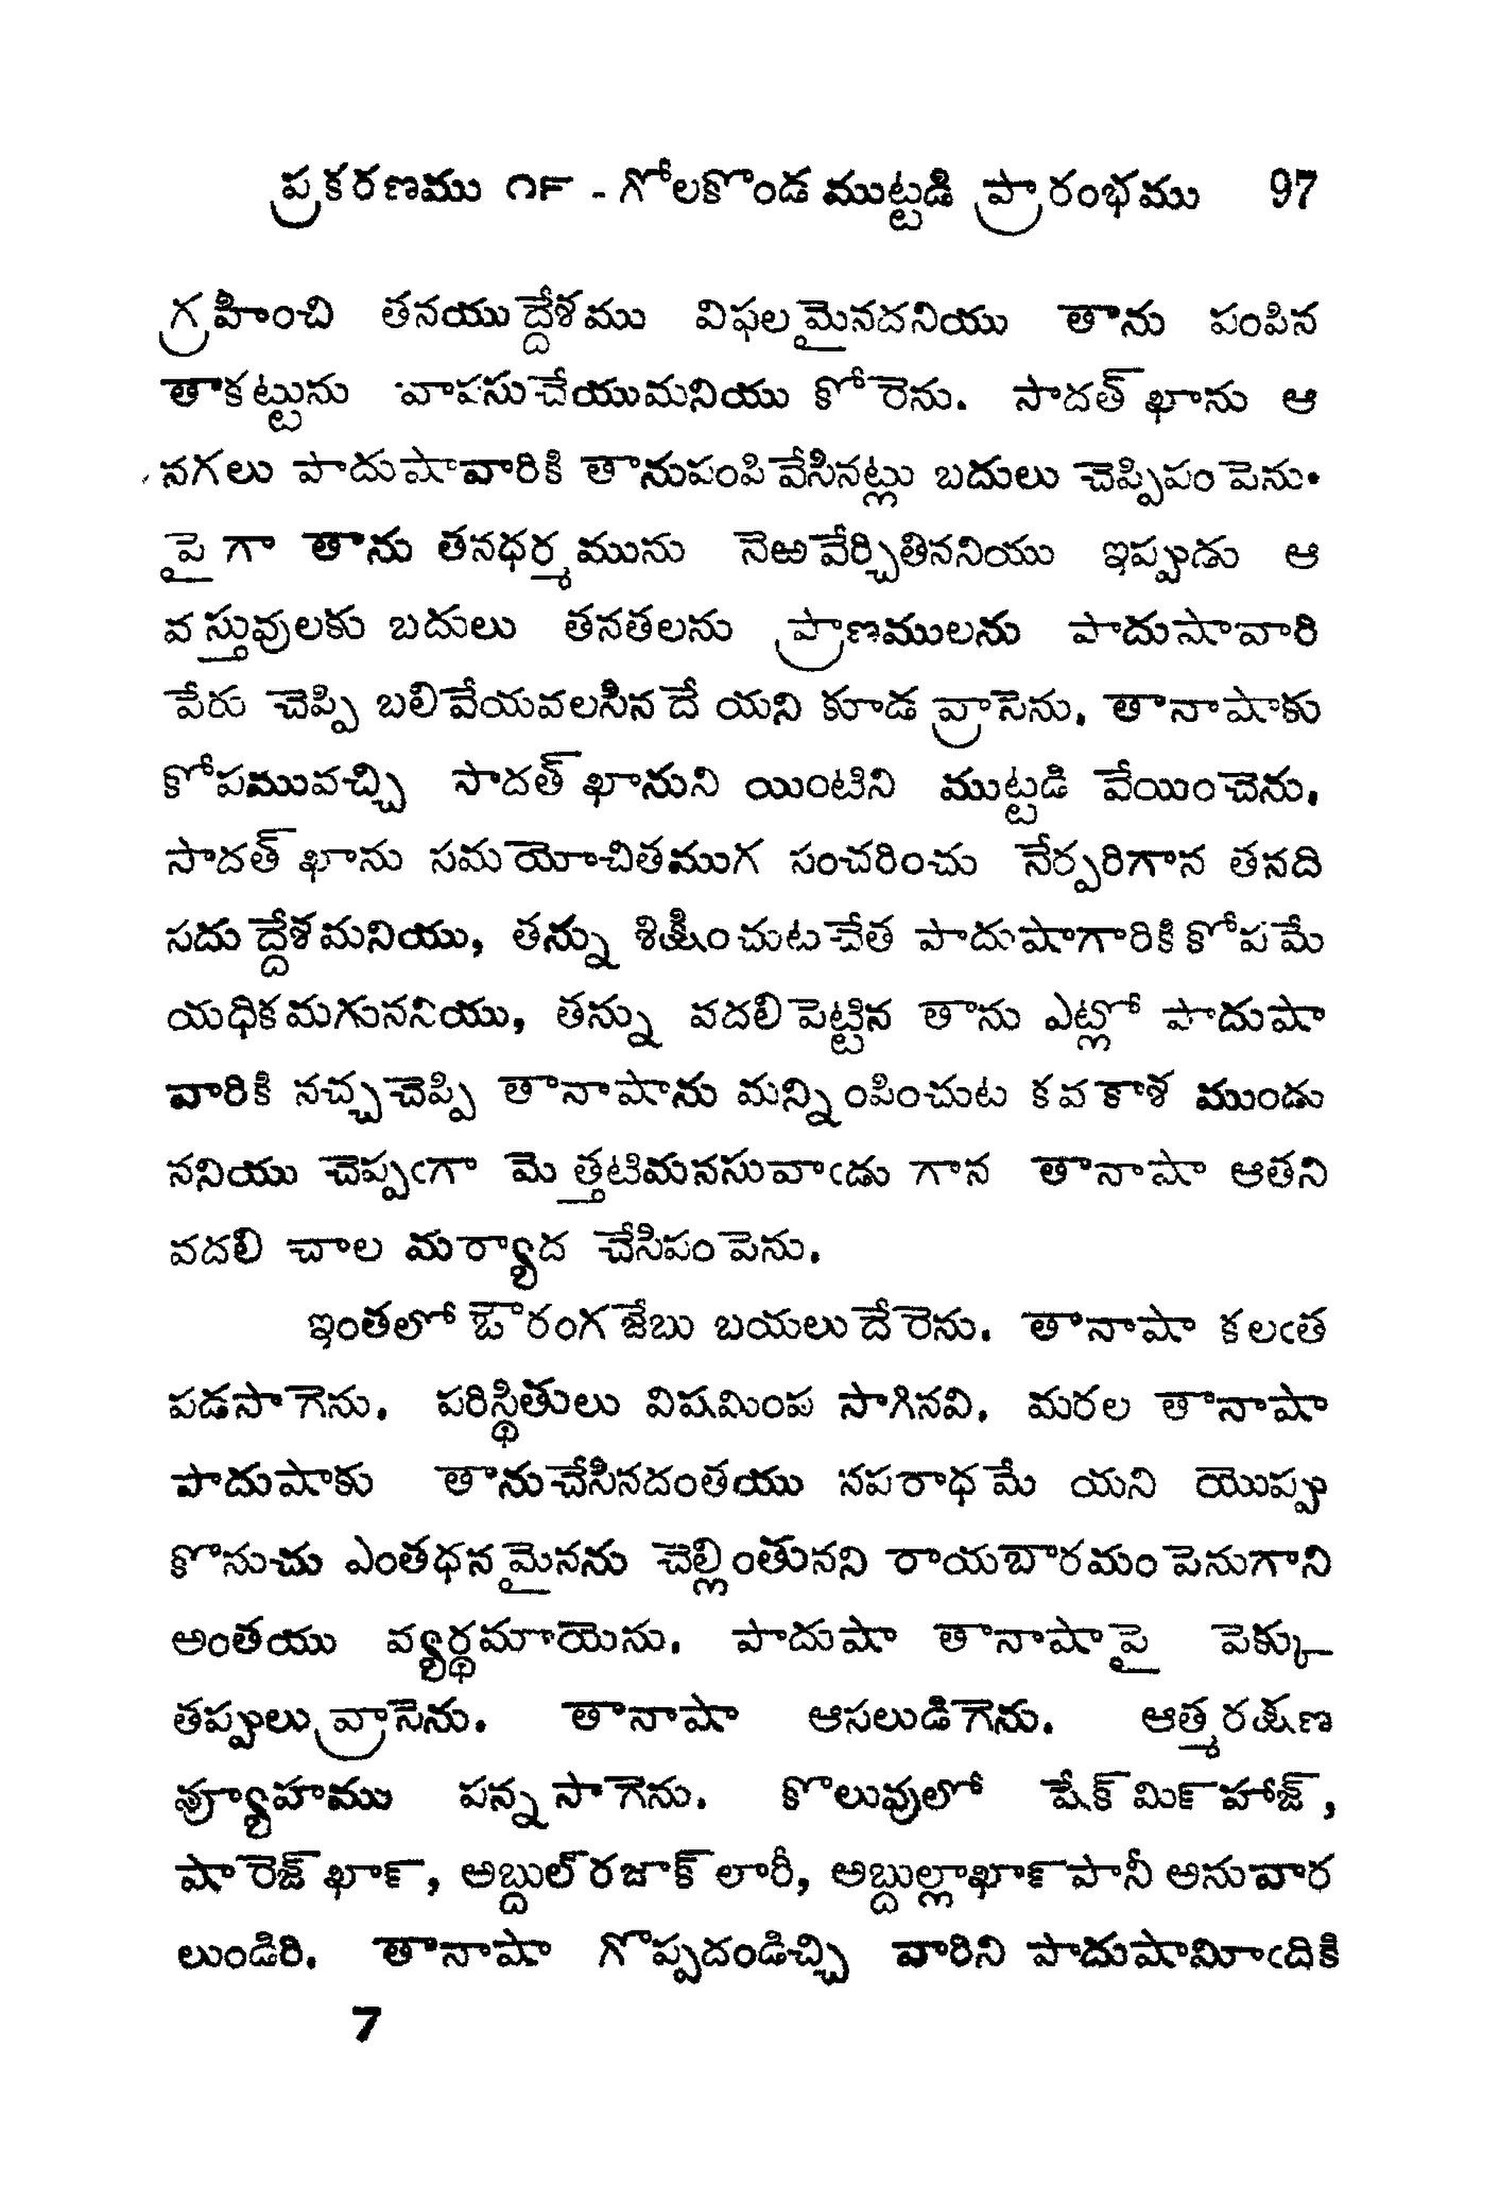గ్రహించి తనయుద్దేశము విఫలమైనదనియు తాను పంపిన తాకట్టును వాపసుచేయుమనియు కోరెను. సాదత్‌ఖాను ఆ నగలు పాదుషావారికి తానుపంపివేసినట్లు బదులు చెప్పిపంపెను. పైగా తాను తనధర్మమును నెఱవేర్చితిననియు ఇప్పడు ఆ వస్తువులకు బదులు తనతలను ప్రాణములను పాదుషావారి పేరు చెప్పి బలివేయవలసినదే యని కూడ వ్రాసెను. తానాషాకు కోపమువచ్చి సాదత్‌‌ఖానుని యింటిని ముట్టడి వేయించెను. సాదత్‌ఖాను సమయోచితముగ సంచరించు నేర్పరిగాన తనది సదుద్దేశమనియు, తన్ను శిక్షించుటచేత పాదుషాగారికి కోపమే యధికమగుననియు, తన్ను వదలిపెట్టిన తాను ఎట్లో పాదుషా వారికి నచ్చచెప్పి తానాషాను మన్నింపించుట కవకాశ ముండు ననియు చెప్పఁగా మెత్తటిమనసువాఁడు గాన తానాషా ఆతని వదలి చాల మర్యాద చేసిపంపెను.

ఇంతలో ఔరంగజేబు బయలుదేరెను. తానాషా కలఁతపడసాగెను. పరిస్థితులు విషమింప సాగినవి. మరల తానాషా పాదుషాకు తానుచేసినదంతయు నపరాధమే యని యొప్పుకొనుచు ఎంతధనమైనను చెల్లింతునని రాయబారమంపెనుగాని అంతయు వ్యర్థమాయెను. పాదుషా తానాషాపై పెక్కు తప్పులువ్రాసెను. తానాషా ఆసలుడిగెను. ఆత్మరక్షణ వ్యూహము పన్నసాగెను. కొలువులో షేక్‌మిౝహాజ్, షారెజ్‌ఖాౝ, అబ్దుల్‌రజాక్‌లారీ, అబ్దుల్లాఖాౝపానీ అనువారలుండిరి. తానాషా గొప్పదండిచ్చి వారిని పాదుషామీఁదికి
7